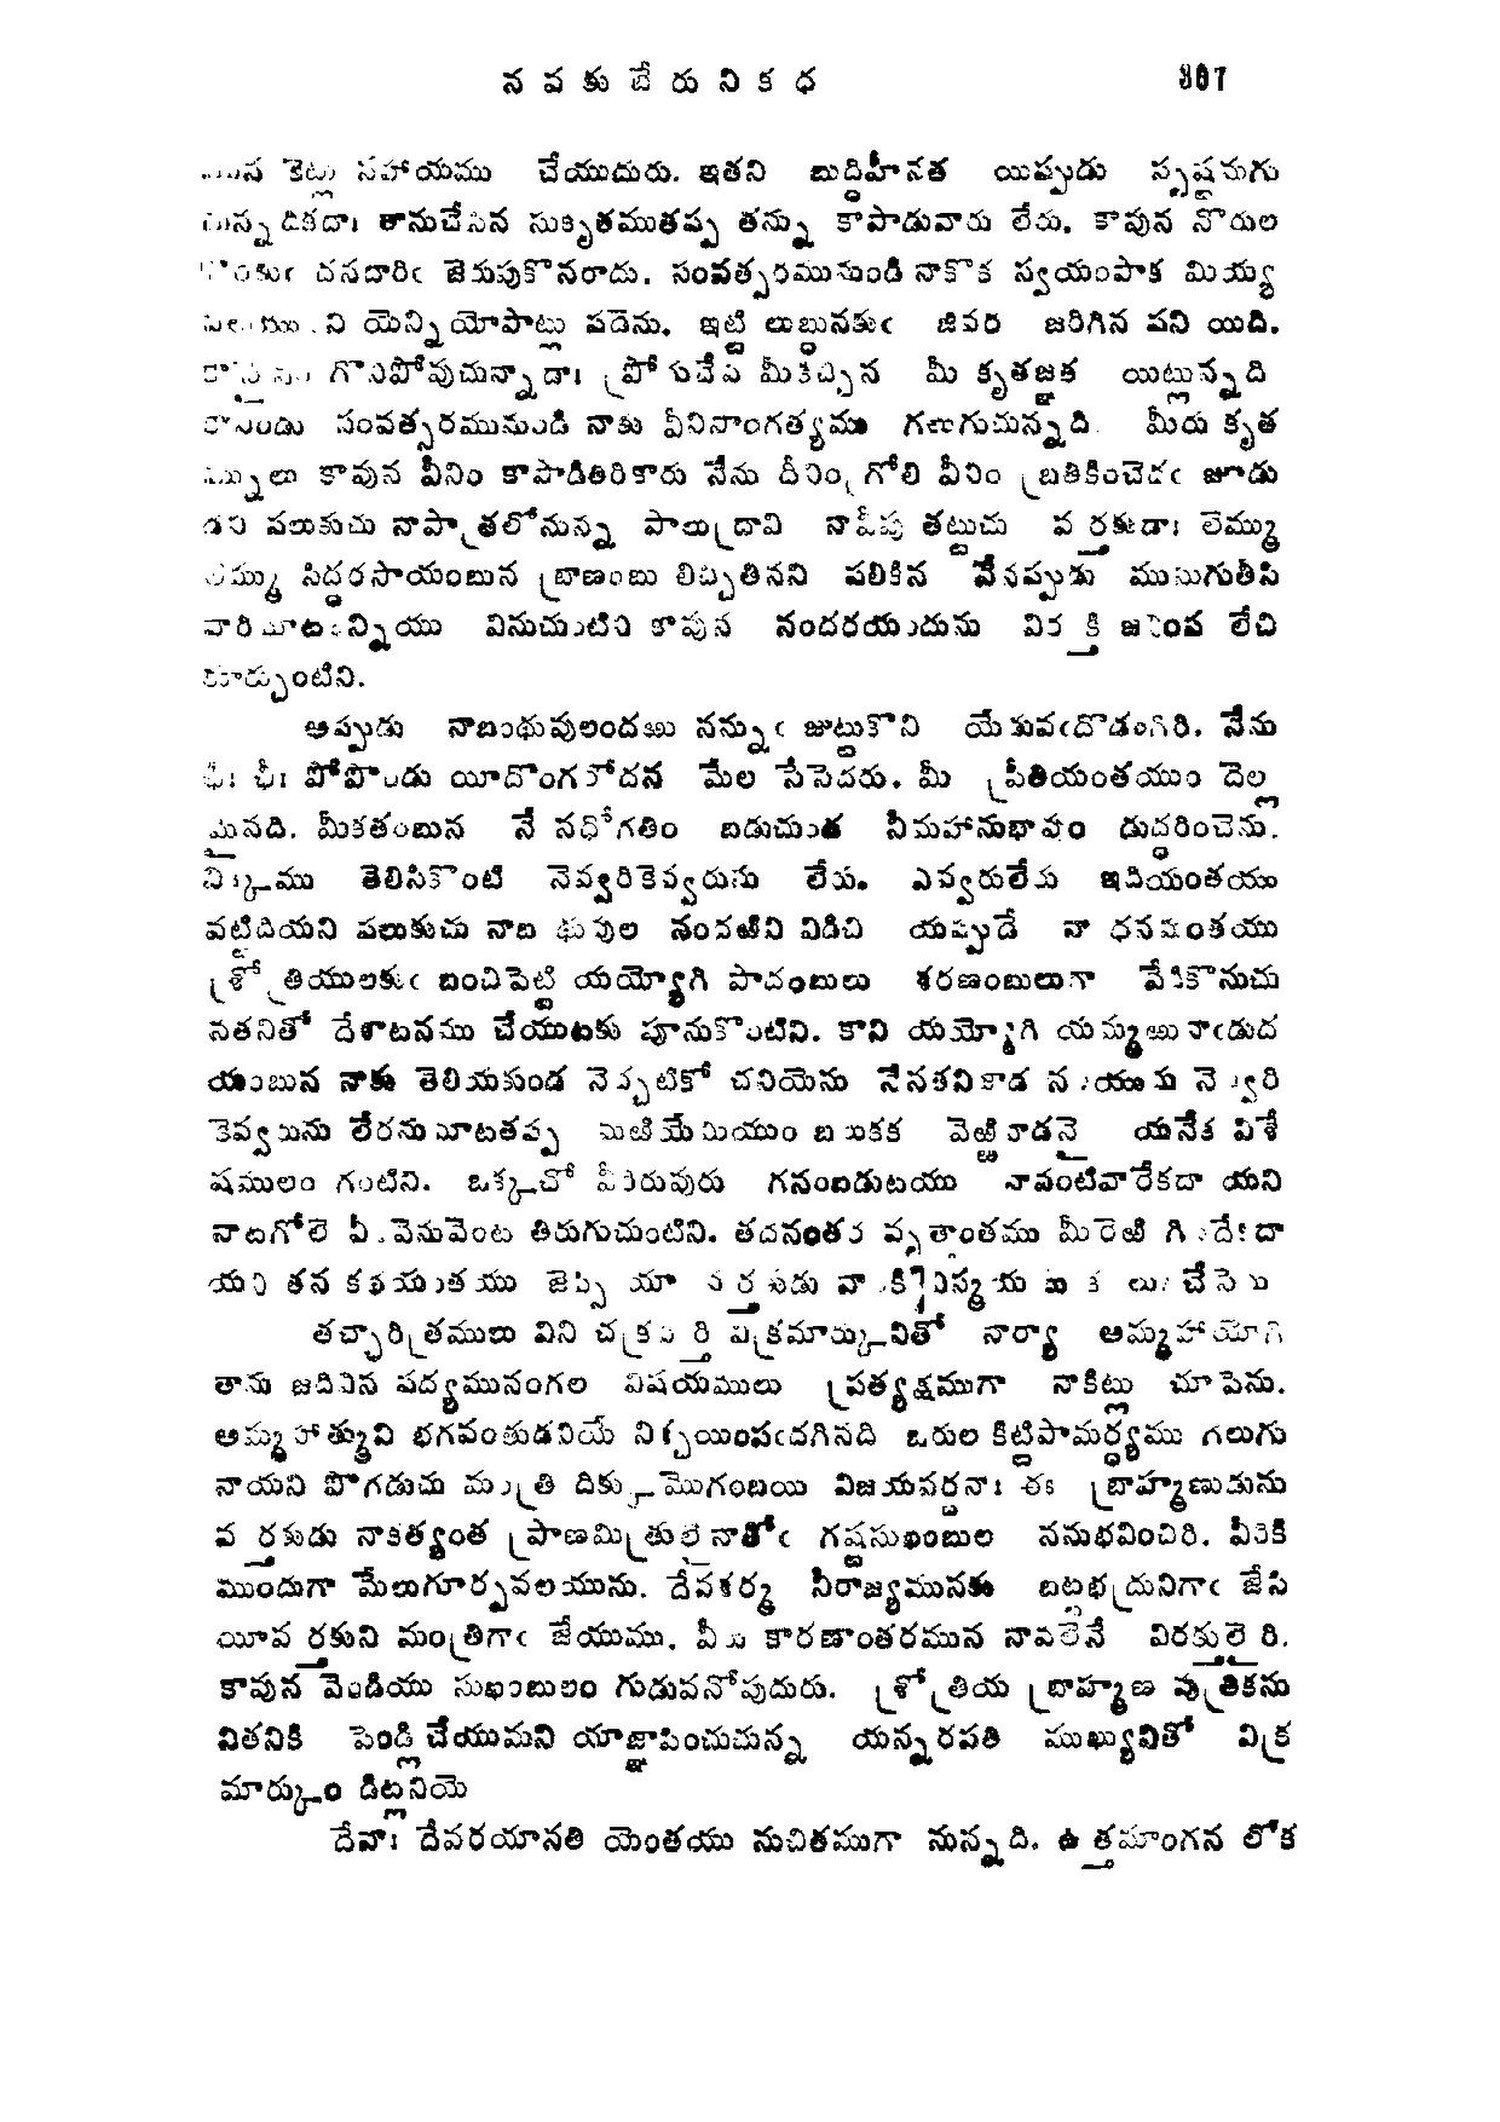మున కెట్లు సహాయము చేయుదురు. ఇతని బుద్ధిహీనత యిప్పుడు స్పష్టమగుచున్నదికదా! తానుచేసిన సుకృతముతప్ప తన్ను కాపాడువారు లేరు. కావున నొరులకొరకుఁ దనదారిఁ జెరుపుకొనరాదు. సంవత్సరమునుండి నాకొక స్వయంపాక మియ్యవలయునని యెన్నియోపాట్లు పడెను. ఇట్టి లుబ్ధునకుఁ జివర జరిగిన పని యిది. తానైనం గొనిపోవుచున్నాడా! ప్రోగుచేసి మీకిచ్చిన మీ కృతజ్ఞత యిట్లున్నది కానిండు సంవత్సరమునుండి నాకు వీనిసాంగత్యము గలుగుచున్నది. మీరు కృతఘ్నులు కావున వీనిం కాపాడితిరికారు నేను దీనింగ్రోలి వీనిం బ్రతికించెదఁ జూడుడని పలుకుచు నాపాత్రలోనున్న పాలుద్రావి నావీపు తట్టుచు వర్తకుడా? లెమ్ము లెమ్ము సిద్దరసాయంబున బ్రాణంబు లిచ్చితినని పలికిన నేనప్పుడు ముసుగుతీసి వారిమాటలన్నియు వినుచుంటిని కావున నందరయందును విరక్తి జనింప లేచి కూర్చుంటిని.

అప్పుడు నాబంధువులందఱు నన్నుఁ జుట్టుకొని యేడువఁదొడంగిరి. నేను ఛీ! ఛీ! పోపొండు యీదొంగరోదన మేల సేసెదరు. మీ ప్రీతియంతయుం దెల్లమైనది. మీకతంబున నే నధోగతిం బడుచుండ నీమహానుభావుం డుద్ధరించెను. నిక్కము తెలిసికొంటి నెవ్వరి కెవ్వరును లేరు. ఎవ్వరులేరు. ఇదియంతయు వట్టిదియని పలుకుచు నాబంధువుల నందఱిని విడిచి యప్పుడే నా ధనమంతయు శ్రోత్రియులకుఁ బంచిపెట్టి యయ్యోగి పాదంబులు శరణంబులుగా వేడికొనుచు నతనితో దేశాటనము చేయుటకు పూనుకొంటిని. కాని యయ్మోగి యమ్మఱునాఁడుదయంబున నాకు తెలియకుండ నెచ్చటికో చనియెను నే నతనిజాడ నరయుచు నెవ్వరి కెవ్వరును లేరనుమాటతప్ప మఱియేమియుం బలుకక వెఱ్ఱివాడనై యనేక విశేషములం గంటిని. ఒక్కచో వీరిరువురు గనంబడుటయు నావంటివారేకదా యని నాటగోలె వీరివెనువెంట తిరుగుచుంటిని. తదనంతర వృత్తాంతము మీరెఱింగినదేకదా యని తన కథయతంయు జెప్పి యా వర్తకుడు వారికి విస్మయంబు కలుగచేసెను.

తచ్చారిత్రములు విని చక్రవర్తి విక్రమార్కునితో నార్యా అమ్మహాయోగి తాను జదివిన పద్యమునంగల విషయములు ప్రత్యక్షముగా నాకిట్లు చూపెను. అమ్మహాత్ముని భగవంతుడనియే నిశ్చయింపఁదగినది ఒరుల కిట్టిసామర్థ్యము గలుగునాయని పొగడుచు మంత్రి దిక్కు మొగంబయి విజయవర్దనా! ఈ బ్రాహ్మణుడును వర్తకుడు నాకత్యంత ప్రాణమిత్రులై నాతోఁ గష్టసుఖంబుల ననుభవించిరి. వీరికి ముందుగా మేలుగూర్పవలయును. దేవశర్మ నీరాజ్యమునకు బట్టభద్రునిగాఁ జేసి యీవర్తకుని మంత్రిగాఁ జేయుము. వీరు కారణాంతరమున నావలెనే విరక్తులైరి. కావున వెండియు సుఖంబులం గుడువనోపుదురు. శ్రోత్రియ బ్రాహ్మణ పుత్రికను నితనికి పెండ్లి చేయుమని యాజ్ఞాపించుచున్న యన్నరపతి ముఖ్యునితో విక్రమార్కుం డిట్లనియె.

దేవా! దేవరయానతి యెంతయు నుచితముగా నున్నది. ఉత్తమాంగన లోక